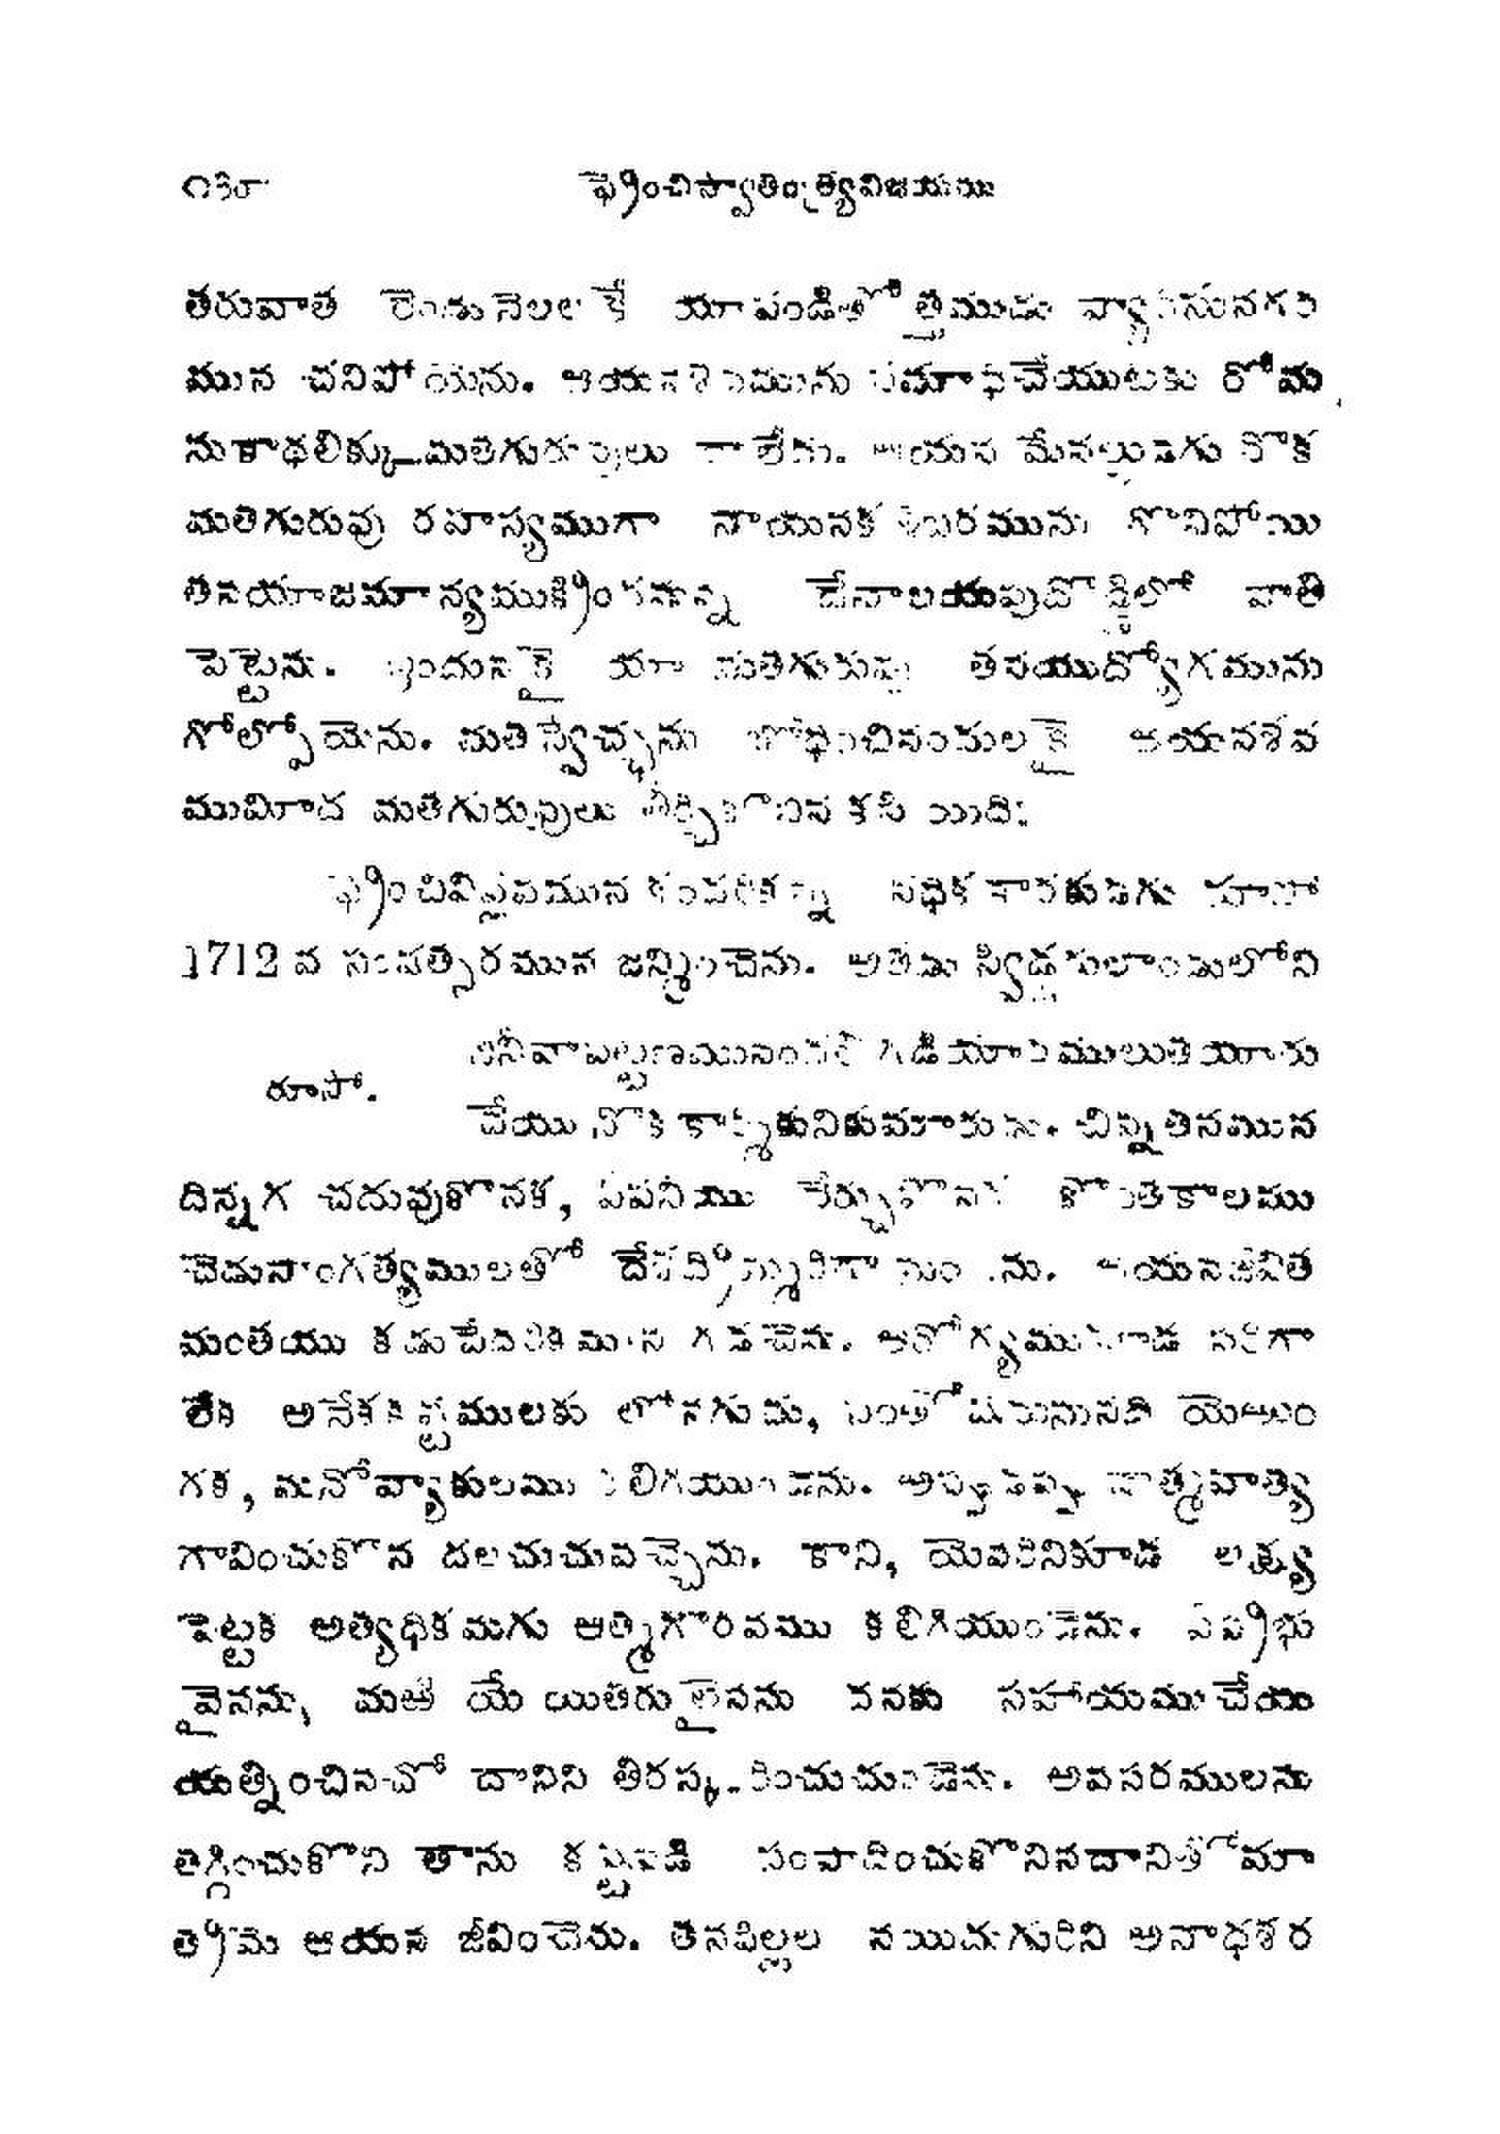తరువాత రెండు నెలలకే యూ పండితోత్తముడు ప్యారిసు సగర
మున చనిపోయను. ఆయన శవమును సమాధి చేయుటకు రోమ,
నుకాథలిక్కు మతగురువులు రాలేదు. ఆయన మేనల్లుడగు నొక
మతగురువు రహస్యముగా నాయన కళేబరమును, గొనిపోయి
తమయాజమాన్యము క్రిందవున్న దేవాలయపు దొడ్డిలో పాతి
పెట్టెను.ఇందునకై యామతగురువు తన యుద్యోగమును
గోల్ఫోయెను. మతస్వేచ్ఛను. బోధించినందులకై ఆయనశవ
ము మీద మతగురుపులు తీర్చుకొనిన కసి ఇది:

పెంచి విప్లవమునకందరికన్న నధిక కారకుడగు రూసో
1712 వ సంవత్సరమున జన్మించెను. అతడు స్విడ్జర్లాండు లోని

రూసో

జినీవాపట్టణమందలి గడి యారములు తయారు చేయునొక 
కార్మిరుని కుమారుడు . చిన్న తనమున
దిన్నగ చదువుకొనక , ఏపనీయు నేర్చుకొనక కాలము
చెడు సాంగత్యములతో దేశద్రిమ్మరిగా నుండెను ఆయన జీవిత
మంతయు కడు పే రికమున గడిచెను..ఆరోగ్యము కూడ సరుగ
లేక అనేక కష్టములకు లోనగుచు, సంతోషమనునది యెరుంగక
మనోవ్యాకులము : కలిగియుండెను. అప్పుడప్పుడాత్మహత్య
గావించుకొన దలచుచు వచ్చెను. కాని, యెవరిని కూడ లక్ష్య
పెట్టక అత్యధిక మగు ఆత్మగౌరవము కలిగియును. ప్రభు
వైసను, మరి యే యితరులైనసు సహాయము చేయ
యత్నించినచో దానిని తిరస్కరించు చుండెను. అవసరములను
తగ్గించుకొని తాను కష్టపడి సంపాదించుకొనిన దానితో మాత్రమే
ఆయన జీవించెను. తన పిల్లల నయిదుగురిని అనాధశర